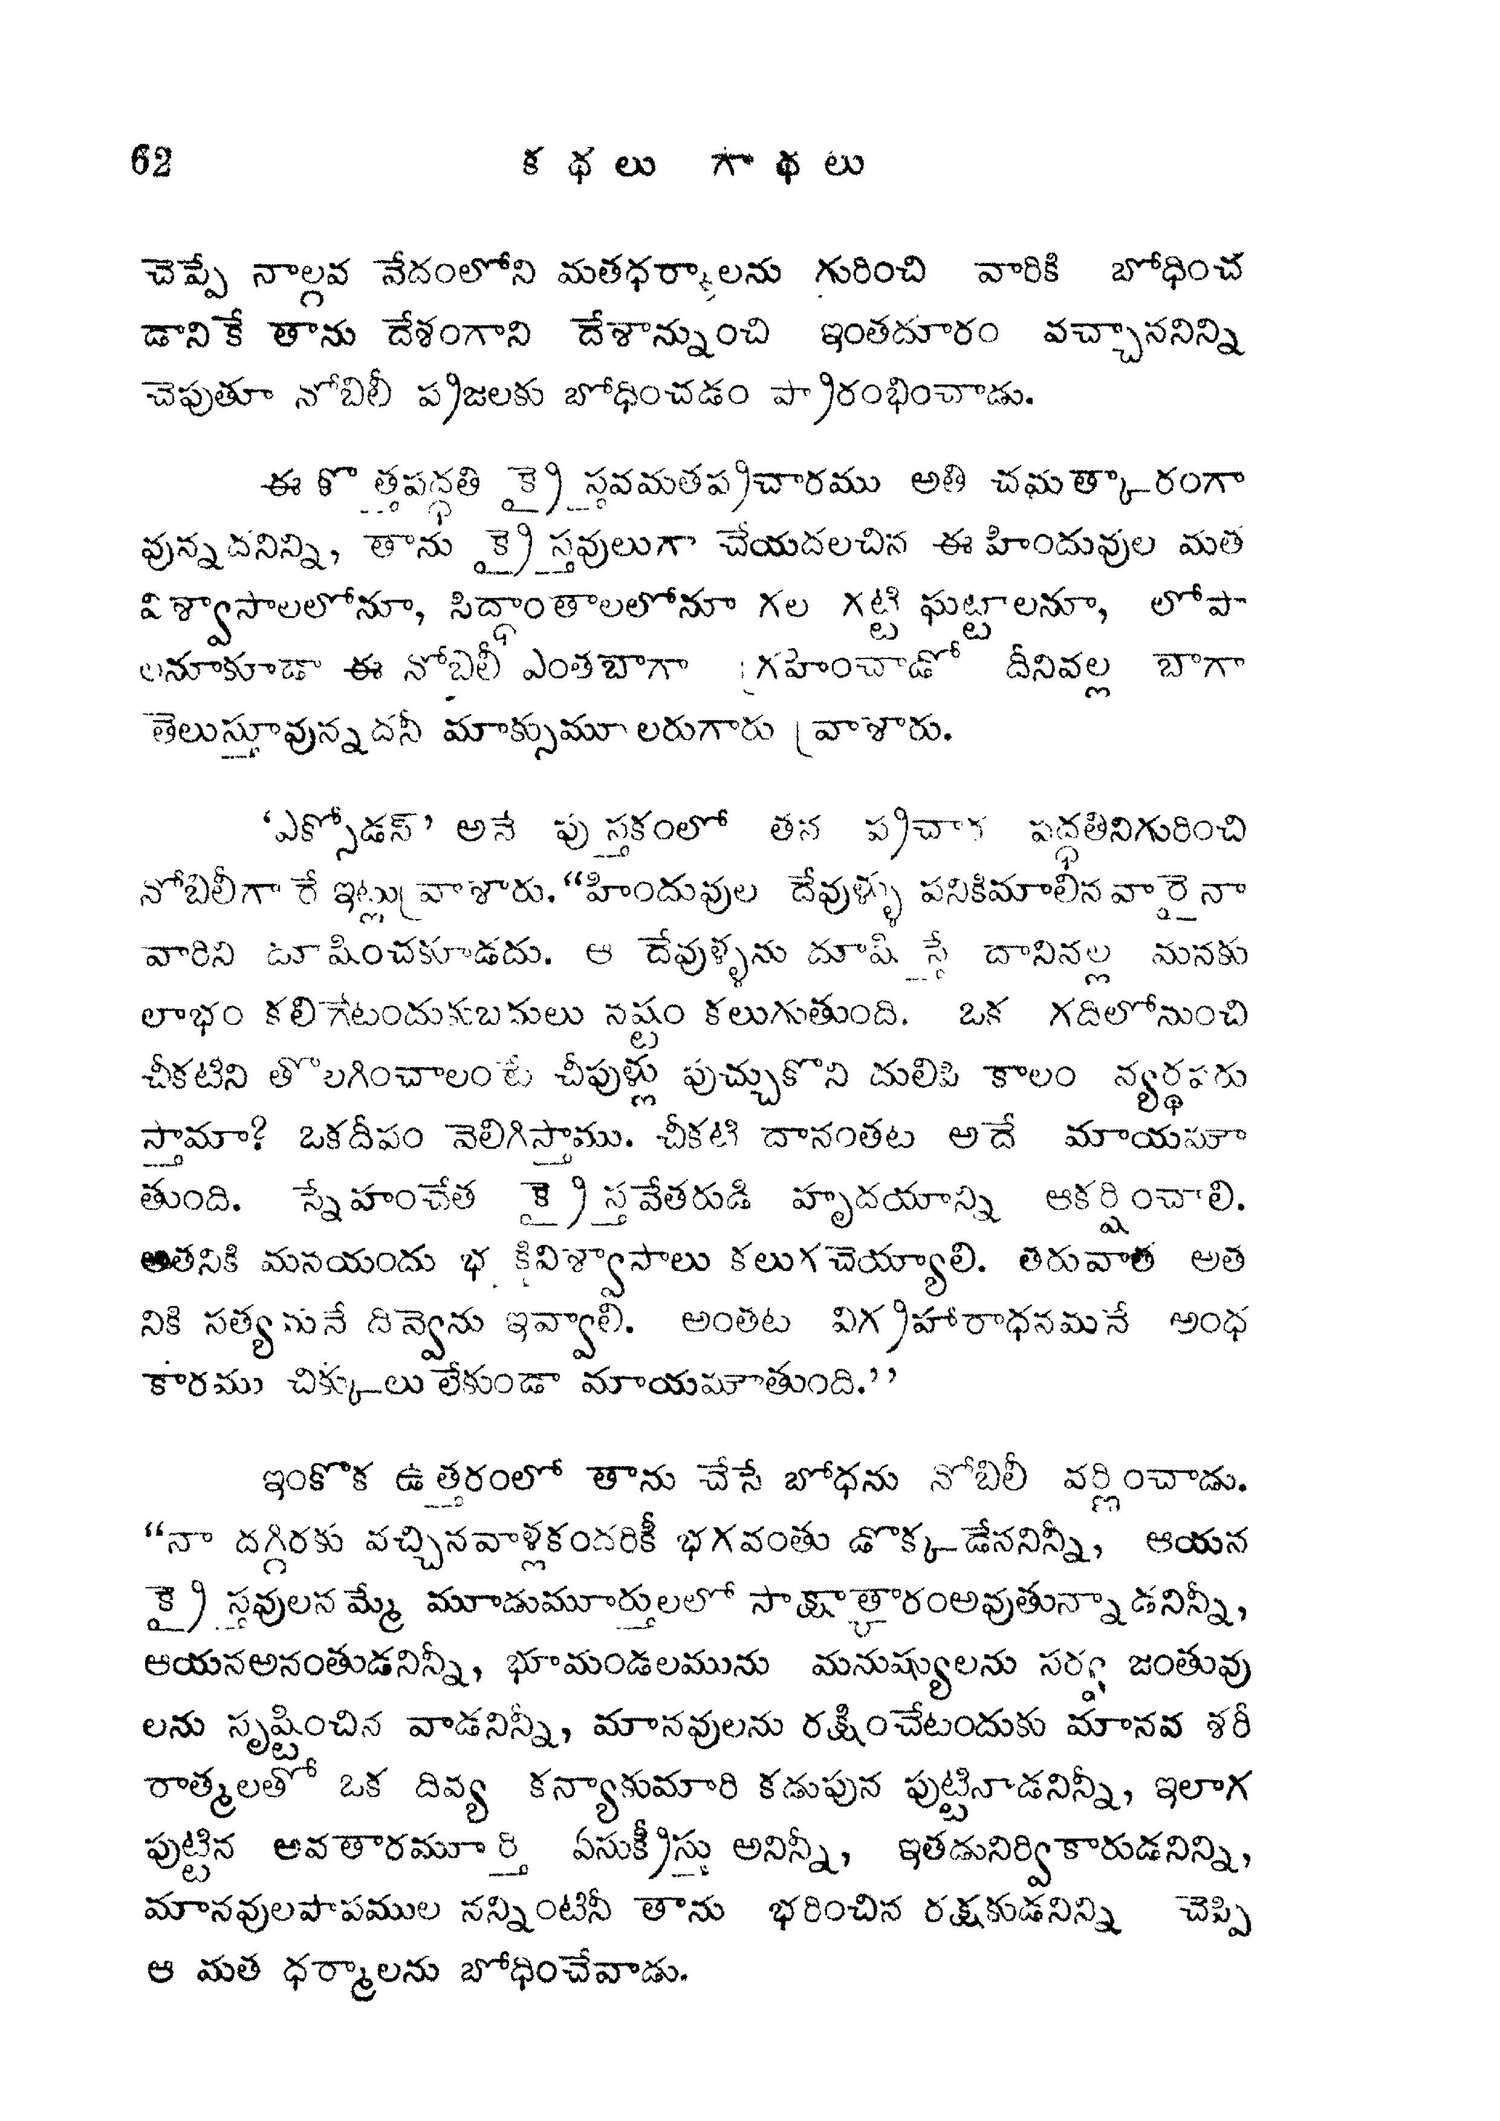చెప్పే నాల్గవ వేదంలోని మతధర్మాలను గురించి వారికి బోధించడానికే తాను దేశంగాని దేశాన్నుంచి ఇంతదూరం వచ్చాననిన్ని చెపుతూ నోబిలీ ప్రజలకు బోధించడం ప్రారంభిచాడు.

ఈ కొత్తపద్ధతి క్రైస్తవమతప్రచారము అతి చమత్కారంగా వున్నదనిన్ని, తాను క్రైస్తవులుగా చేయదలచిన ఈ హిందువుల మత విశ్వాసాలలోనూ, సిద్ధాంతాలలోనూ గల గట్టి ఘట్టాలనూ, లోపాలనూకూడా ఈ నోబిలీ ఎంతబాగా గ్రహించాడో దీనివల్ల బాగా తెలుస్తూవున్నదనీ మాక్సుమూలరుగారు వ్రాశారు.

'ఎక్సోడస్ ' అనే పుస్తకంలో తన ప్రచార పద్దతినిగురించి నోబిలీగారే ఇట్లు వ్రాశారు. "హిందువుల దేవుళ్ళు పనికిమాలిన వారైనా వారిని దూషించకూడదు. ఆ దేవుళ్ళను దూషిస్తే దానివల్ల మనకు లాభం కలిగేటందుకుబదులు నష్టం కలుగుతుంది. ఒక గదిలోనుంచి చీకటిని తొలగించాలంటే చీపుళ్ళు పుచ్చుకొని దులిపి కాలం వ్యర్ధపరుస్తామా? ఒకదీపం వెలిగిస్తాము. చీకటి దానంతట అదే మాయమవుతుంది. స్నేహంచేత క్రైస్తవేతరుడి హృద;యాన్ని ఆకర్షించాలి. అతనికి మనయందు భక్తివిశ్వసాలు కలుగచెయ్యాలి. తరువాత అతనికి సత్యమనె దివ్వెను ఇవ్వాలి. అంతట విగ్రహారాధనమనే అంధకారము చిక్కులు లేకుండా మాయమౌతుంది."

ఇంకొక ఉత్తరంలో తాను చేసే బోధను నోబిలీ వర్ణించాడు. "నా దగ్గరకు వచ్చినవాళ్లకందరికీ భగవంతు డొక్కడేననిన్నీ, ఆయన క్రైస్తవులునమ్మే మూడు మూర్తులలో సాక్షాత్కారం అవుతున్నాడనిన్నీ, ఆయనఅ నంతుడనిన్నీ, భూమండలమును మనుష్యులను సర్వ జంతువులను సృష్టించిన వాడనిన్నీ, మానవులను రక్షించేటందుకు మానవ శరీరాత్మలతో ఒక దివ్య కన్యాకుమారి కడుపున పుట్టినాడనిన్నీ, ఇలాగ పుట్టిన అవతారమూర్తి ఏసుక్రీస్తు అనిన్నీ, ఇతడునిర్వికారుడనిన్ని, మానవులపాపముల నన్నింటినీ తాను భరించిన రక్షకుడనిన్ని చెప్పి ఆ మత ధర్మాలను బోధించేవాడు.